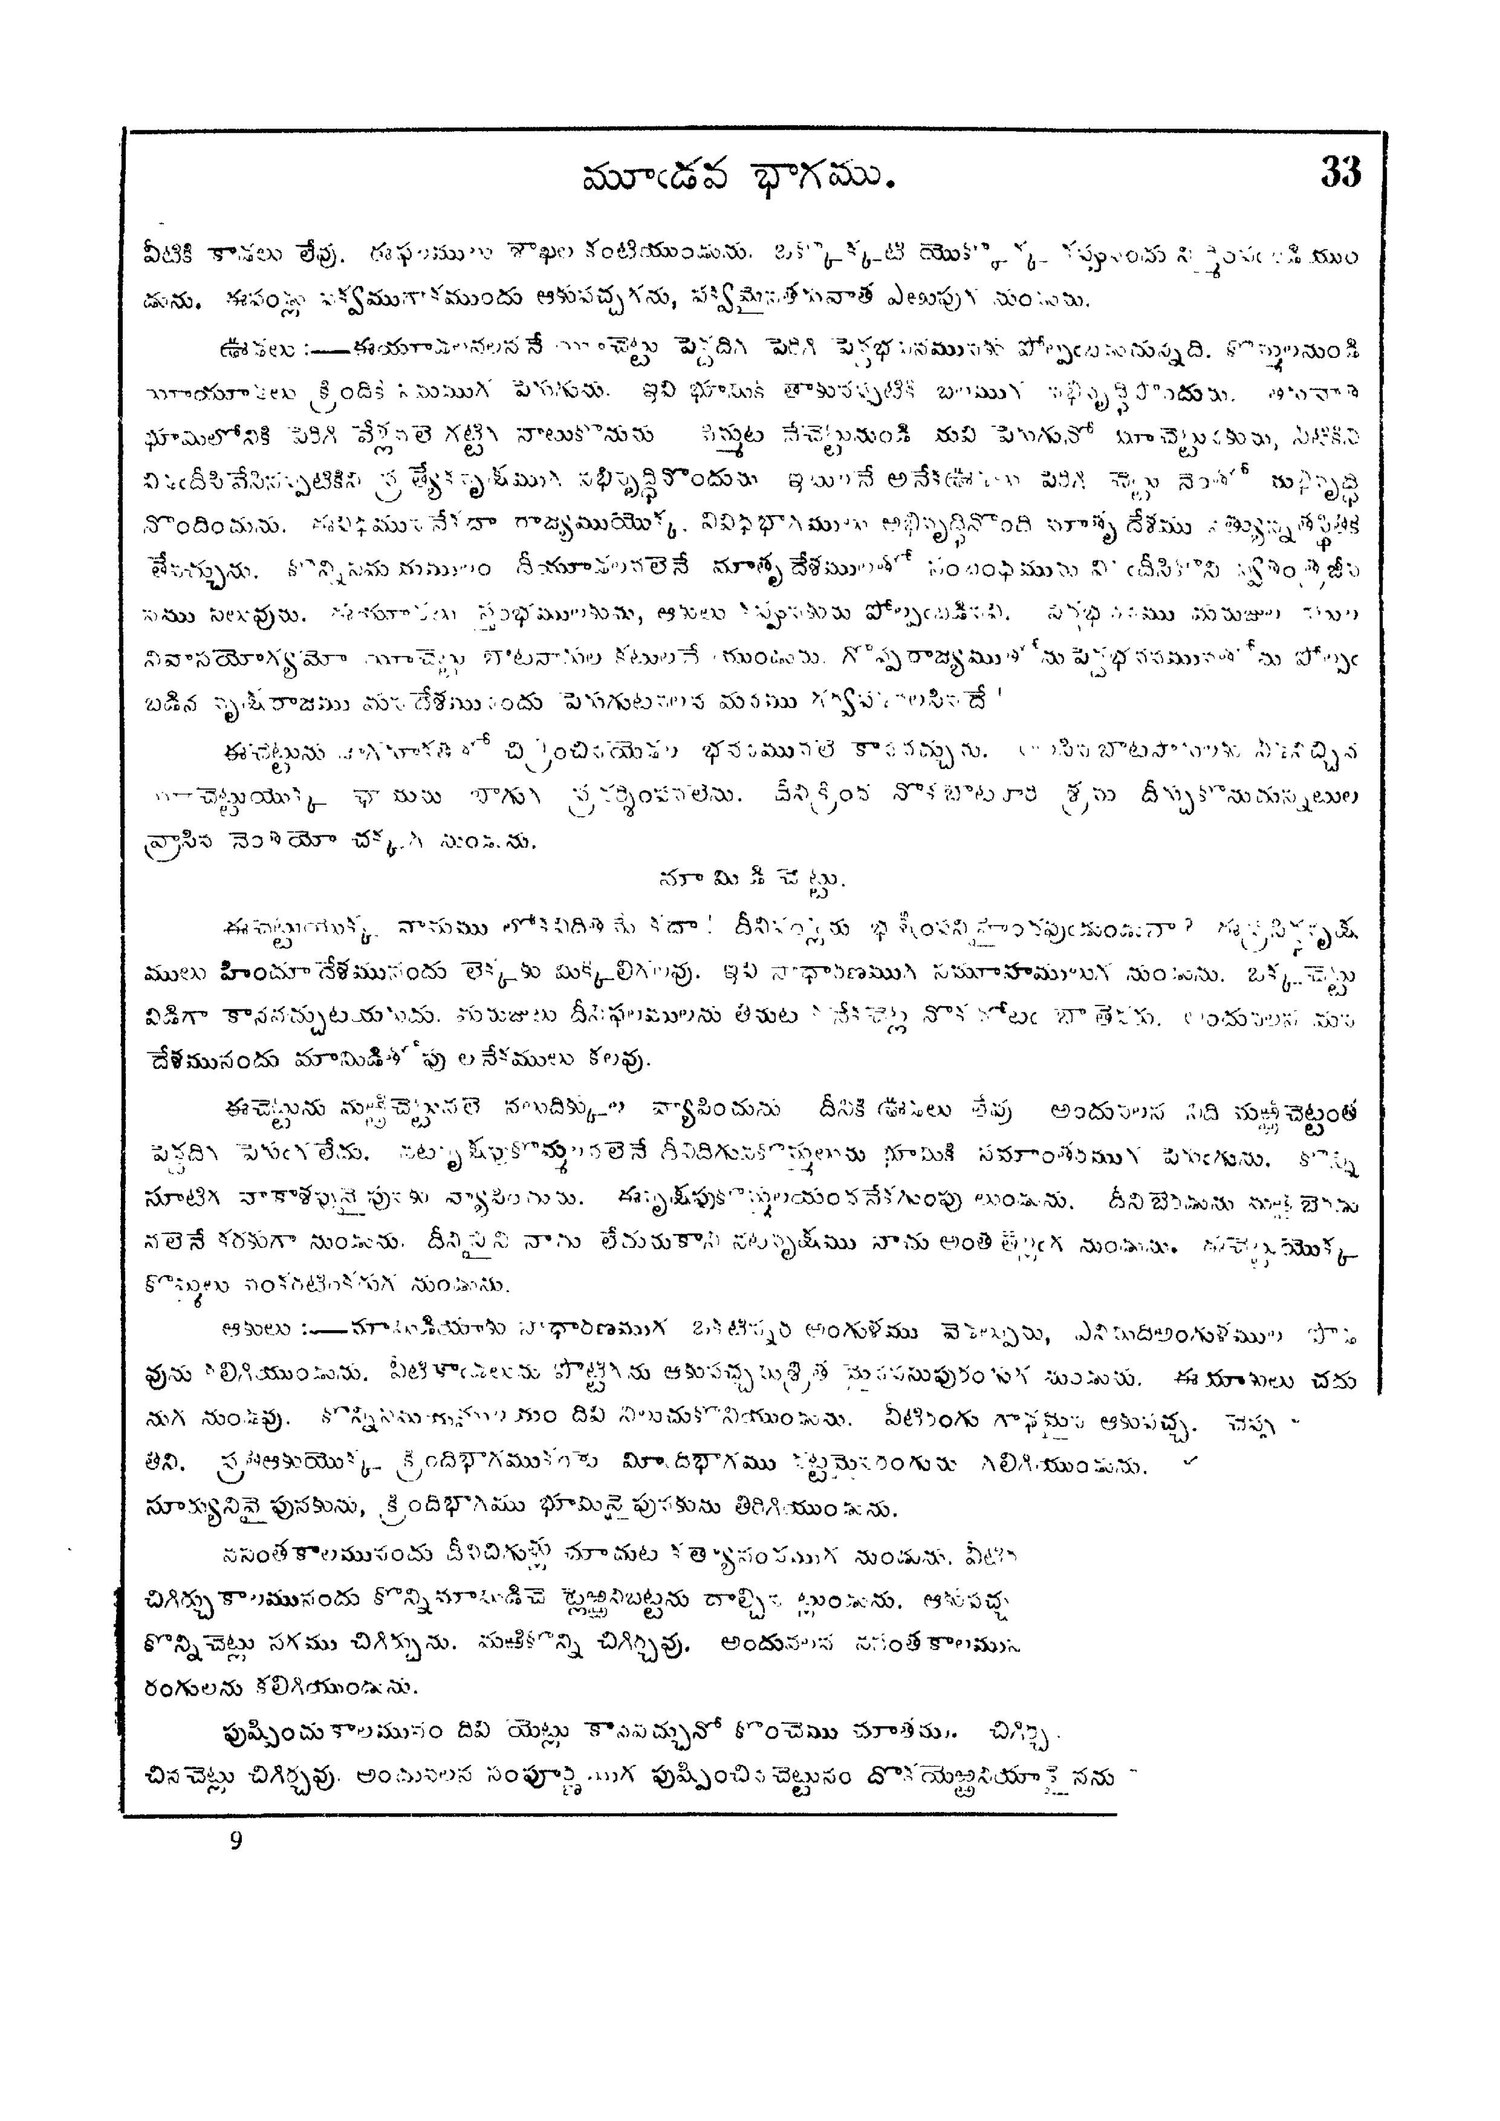వీటికి కాడలు లేవు. ఈఫలములు శాఖల కంటియుండును. ఒక్కొక్కటి యొక్కొక్క కప్పునందు నిర్మింపబడియుండును. ఈపండ్లు పక్వముగాకముందు ఆకుపచ్చగను, పక్వమైనతరువాత ఎఱుపుగ నుండును.

ఊడలు:- ఈయూడలవలననే యీచెట్టు పెద్దదిగ పెరిగి పెద్దభవనమునకు పోల్పబడుచున్నది. కొమ్మలనుండి యీయూడలు క్రిందికి సమముగ పెరుగును. ఇవి భూమికి తాకునప్పటికి బలముగ నభివృద్ధిపొందును. తరువాత భూమిలోనికి పెరిగి వేళ్లవలె గట్టిగ నాటుకొనును. పిమ్మట నేచెట్టునుండి యవి పెరుగునో యాచెట్టుకును, వీటికిని విడదీసివేసినప్పటికిని ప్రత్యేకవృక్షముగ నభివృద్ధినొందును. ఇటులనే అనేకఊడలు పెరిగి చెట్టు నెంతో యభివృద్ధి నొందించును. ఈవిధముననేకదా రాజ్యముయొక్క వివిధభాగములు అభివృద్ధినొంది మాతృదేశము నత్యున్నతస్థితికి తేవచ్చును. కొన్నిసమయములం దీయూడలవలెనే మాతృదేశములతో సంబంధమును విడదీసికొని స్వతంత్రజీవనము సలుపును. ఈయూడలు స్తంభములకును, ఆకులు కప్పునకును పోల్పబడినవి. పెద్దభవనము మనుజుల కెటుల నివాసయోగ్యమో యీచెట్టు బాటసారుల కటులనే యుండును. గొప్పరాజ్యముతోను పెద్దభవనముతోను పోల్పబడిన వృక్షరాజము మనదేశమునందు పెరుగుటవలన మనము గర్వపడవలసినదే.

ఈచెట్టును జాగరూకతతో చిత్రించినయెడల భవనమువలె కానవచ్చును. అలసిన బాటసారులకు నీడనిచ్చిన యీచెట్టుయొక్క ఛాయను బాగుగ ప్రదర్శింపవలెను. దీనిక్రింద నొకబాటసారి శ్రమ దీర్చుకొనుచున్నటుల వ్రాసిన నెంతయో చక్కగ నుండును.

ఈచెట్టుయొక్క నామము లోకవిదితమే కదా. దీనిపండ్లను భక్షింపని హైందవుడుండునా? ఈప్రసిద్ధివృక్షములు హిందూదేశమునందు లెక్కకు మిక్కిలిగలవు. ఇవి సాధారణముగ సమూహములుగ నుండును. ఒక్కచెట్టు విడిగా కానవచ్చుటయరుదు. మనుజులు దీనిఫలములను తినుట కనేకచెట్ల నొకచోట బాతెదరు. అందువలన మనదేశమునందు మామిడితోపు లనేకములు కలవు.

ఈచెట్టును మఱ్ఱిచెట్టువలె పలుదిక్కుల వ్యాపించును. దీనికి ఊడలు లేవు. అందువలన నిది మఱ్ఱిచెట్టంత పెద్దదిగ పెరుగలేదు. వటవృక్షపుకొమ్మలవలెనే దీనిదిగువకొమ్మలును భూమికి సమాంతరముగ పెరుగును. కొన్ని సూటిగా నాకాశపువైపునకు వ్యాపించును. ఈవృక్షపుకొమ్మలయందనేకగుంపు లుండును. దీనిబెరడును మఱ్ఱిబెరడువలెనే కరకుగా నుండును. దీనిపైని నాచు లేచునుకాని వటవృక్షము నాచు అంత తెల్ల్గ నుండును. ఈచెట్టుయొక్క కొమ్మలు వంకరటింకరుగ నుండును.

ఆకులు:- మామిడియాకు సాధారణముగ ఒకటిన్నర అంగుళము వెడల్పును, ఎనిమిదిఅంగుళముల పొడవును గలిగియుండును. వీటికాడలును పొట్టిగను ఆకుపచ్చమిశ్రిత మైనపసుపురంగుగ నుండును. ఈయాకులు చదునుగ నుండవు. కొన్నిసమయములయం దివి నిలుచుకొనియుండును. వీటిరంగు గాడమైన ఆకుపచ్చ. చెప్ప----- తిని. ప్రతిఆకుయొక్క క్రిందిభాగముకంటె మీదిభాగము దట్టమైనరంగును గలిగియుండును. ----------- సూర్యునివైపునకును, క్రిందిభాగము భూమివైపునకును తిరిగియుండును.

వసంతకాలమునందు దీనిచిగుళ్లు చూచుట కత్యానందముగ నుండును. వీటి ----------- చిగిర్చుకాలమునందు కొన్నిమామిడిచె ట్లెఱ్ఱనిబట్టను దాల్చినట్లుండును. ఆకుపచ్చ ---------- కొన్నిచెట్లు సగము చిగిర్చును. మఱికొన్ని చిగిర్చవు. అందువలన వసంతకాలమున ----------- రంగులను కలిగియుండును.

పుష్పించుకాలమునం దివి యెట్లు కానవచ్చునో కొంచెము చూతము. చిగిర్చి ------------- చినచెట్లు చిగిర్చవు. అందువలన సంపూర్ణముగ పుష్పించినచెట్టునం దొకయెఱ్ఱనియాకైనను -----------